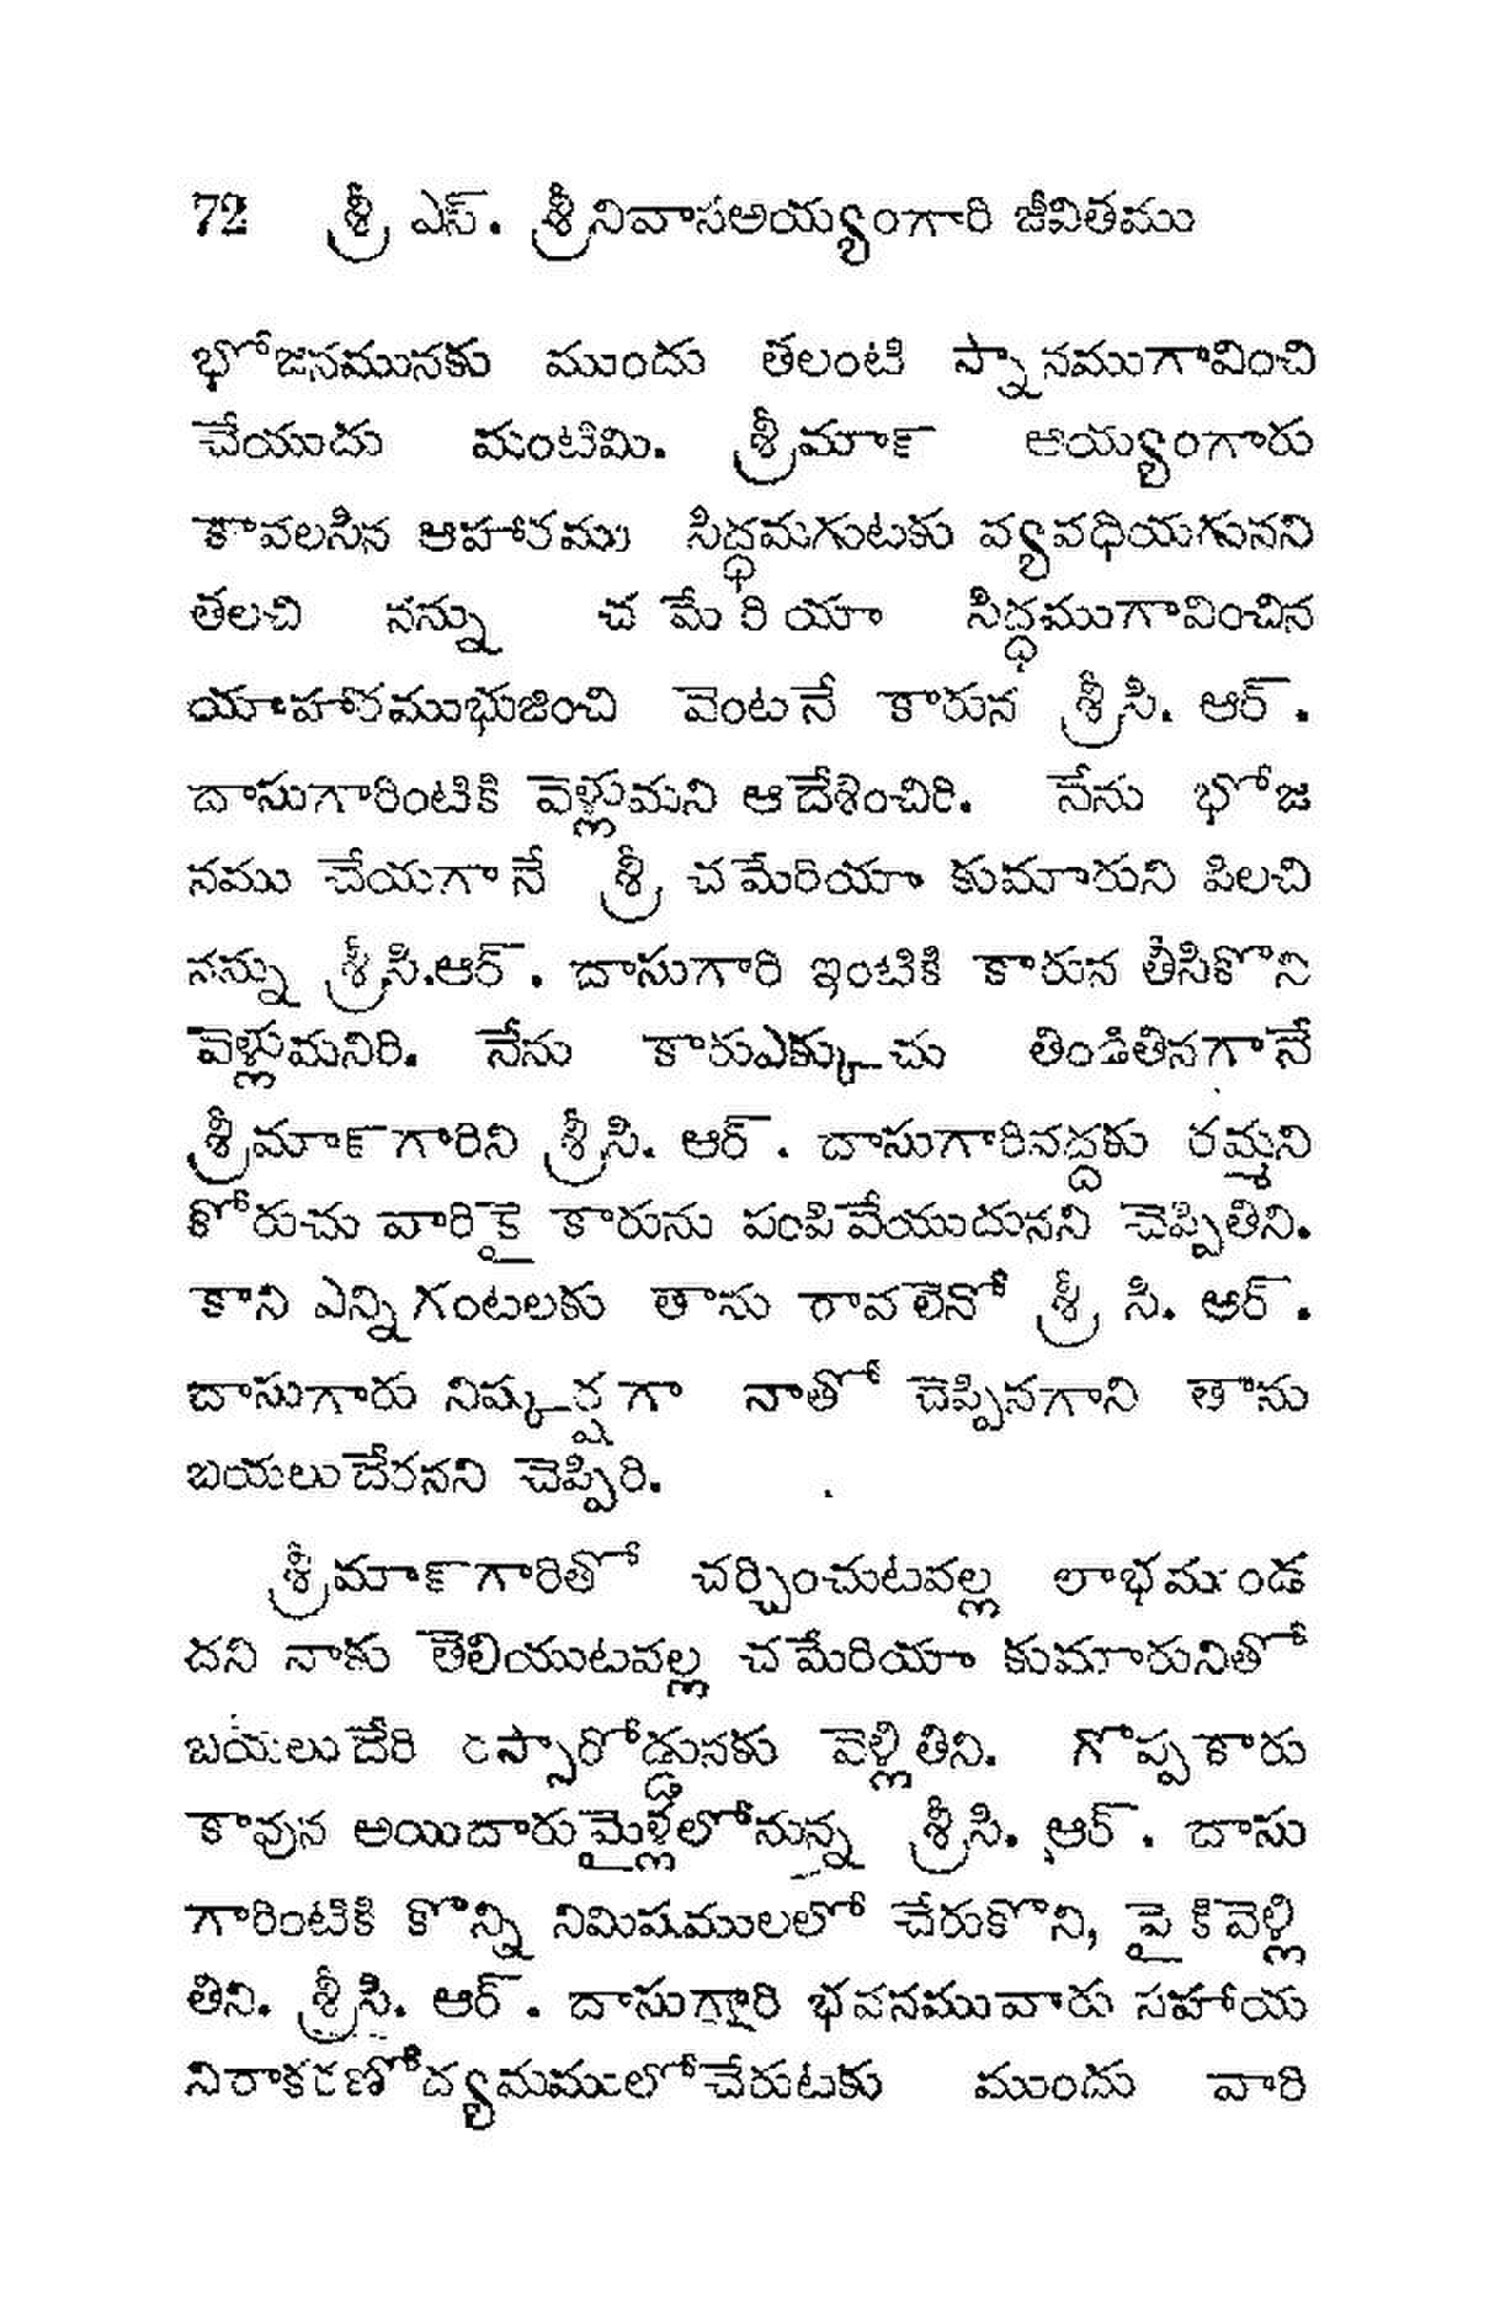భోజనమునకు ముందు తలంటి స్నానముగావించి చేయుదు మంటిమి. శ్రీమా౯ ఆయ్యంగారు కావలసిన ఆహారము సిద్ధమగుటకు వ్యవధియగునని తలచి నన్ను చమేరియా సిద్దముగావించిన యాహారముభుజించి వెంటనే కారున శ్రీ సి. ఆర్. దాసుగారింటికి వెళ్లుమని ఆదేశించిరి. నేను భోజనము చేయగానే శ్రీ చమేరియా కుమారుని పిలచి నన్ను శ్రీ సి.ఆర్. దాసుగారి ఇంటికి కారున తీసికొని వెళ్లుమనిరి. నేను కారుఎక్కుచు తిండితినగానే శ్రీమా౯ గారిని శ్రీ సి. ఆర్. దాసుగారివద్దకు రమ్మని కోరుచు వారికై కారును పంపివేయుదునని చెప్పితిని. కాని ఎన్నిగంటలకు తాను రావలేనో శ్రీ సి. ఆర్ . దాసుగారు నిష్కర్షగా నాతో చెప్పినగాని తాను బయలుదేరనని చెప్పిరి. 

శ్రీమా౯గారితో చర్చించుటవల్ల లాభముండదని నాకు తెలియుటవల్ల చమేరియా కుమారునితో బయలుదేరి రస్పారోడ్డునకు వెళ్లితిని. గొప్పకారు కావున అయిదారు మైళ్లలోనున్న శ్రీ సి. ఆర్. దాసు గారింటికి కొన్ని నిమిషములలో చేరుకొని, పైకి వెళ్లితిని. శ్రీ సి. ఆర్. దాసుగారి భవనమువారు సహాయ నిరాకరణోద్యమములో చేరుటకు ముందు వారి